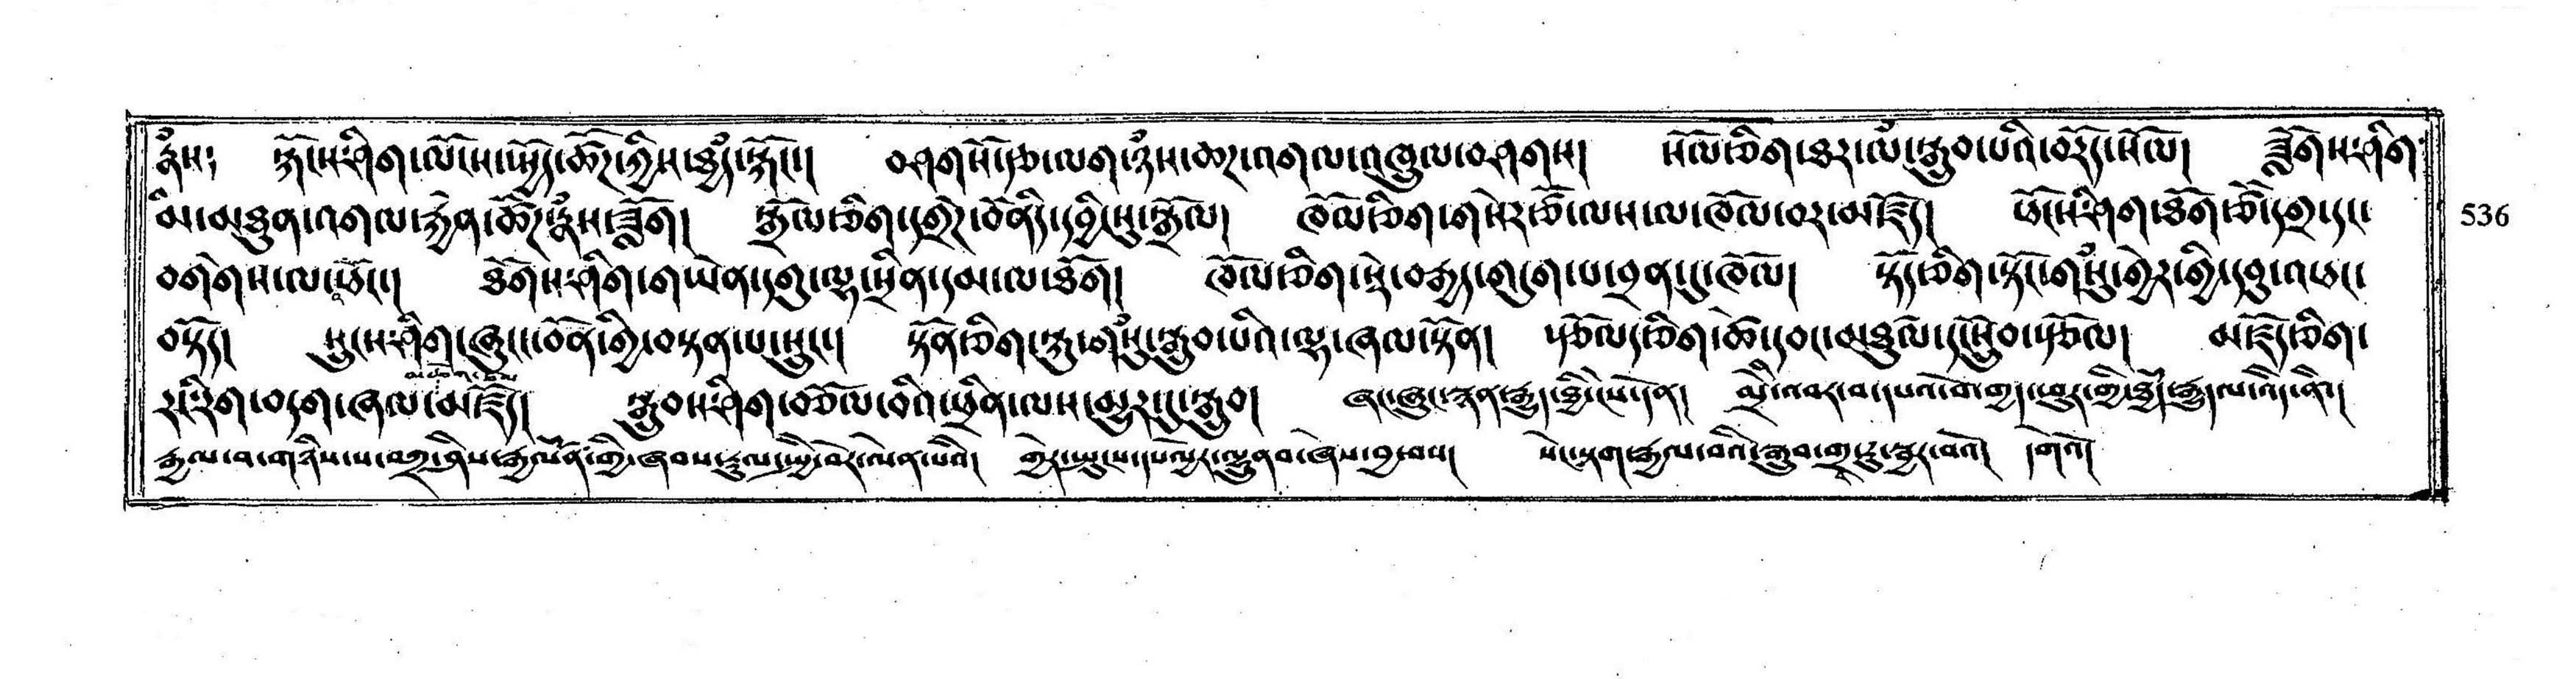རྣམས། སྐོངས་ཤིག་ལོངས་སྤྱོད་ཚོགས་ཀྱིས་ཐུགས་དམ་སྐོང་། བཤགས་སོ་རྩ་ལག་ཉམས་ཆགས་འགལ་འཁྲུལ་བཤགས། སོལ་ཅིག་ཐར་ལམ་སྒྲུབ་པའི་བར་ཆོད་སོལ། ཟློགས་ཤིག་
མི་མཐུན་འགལ་རྐྱེན་ཚོགས་རྣམས་ཟློག སྒྲོལ་ཅིག་དགྲ་བགེགས་བོན་ཉིད་དབྱིངས་སུ་སྒྲོལ། ཁོལ་ཅིག་གསེར་ཙོ་ལས་ལ་ཁོལ་བར་མཛོད། ཕོངས་ཤིག་ཐོག་ཙོ་དགྲ་དང་
བགེགས་ལ་འཕོང་། ཐོགས་ཤིག་གཡེན་དགུ་ལྷ་སྲིན་དམ་ལ་ཐོག ཁོལ་ཅིག་སྡེ་བརྒྱད་གདུག་པ་བྲན་དུ་ཁོལ། སྟོད་ཅིག་སྟོང་གསུམ་གྱེར་གྱི་དབུ་འཕང་
བསྟོད། སྲུངས་ཤིག་ཞང་ཞུང་བོན་གྱི་བསྟན་པ་སྲུང་། སྟོན་ཅིག་སྐུ་གསུམ་སྒྲུབ་པའི་ལྷ་ཞལ་སྟོན། སྩོལ་ཅིག་ཚེ་དབང་མཐུ་རྩལ་དངོས་གྲུབ་སྩོལ། མཛོད་ཅིག་
རང་རིག་བདག་ཞལ་མཆོག་ཐོབ་མཛོད། སྒྲུབས་ཤིག་བཅོལ་བའི་ཕྲིན་ལས་མྱུར་དུ་སྒྲུབ། ཞང་ཞུང་སྙན་རྒྱུད་ཐུགས་ཀྱི་ངེས་དོན། མེ་རི་འབར་བ་དཔའ་བོ་གྱད་ཕུར་གྱི་ཐུགས་དམ་རྒྱུད་བསྐུལ་འདི་ནི། 
རྒྱལ་བ་གཉིས་པ་བཀྲ་ཤིས་རྒྱལ་མཚན་གྱི་ཞབས་རྡུལ་སྤྱི་བོར་ལེན་པའི། གྱེར་སྤུངས་དཔལ་འབྱོར་ལྷུན་གྲུབ་ཞེས་བྱ་བས། སེང་སྟག་རྒྱལ་བའི་སྒྲུབ་གྲྭ་རུ་སྦྱར་བའོ། དགེའོ།